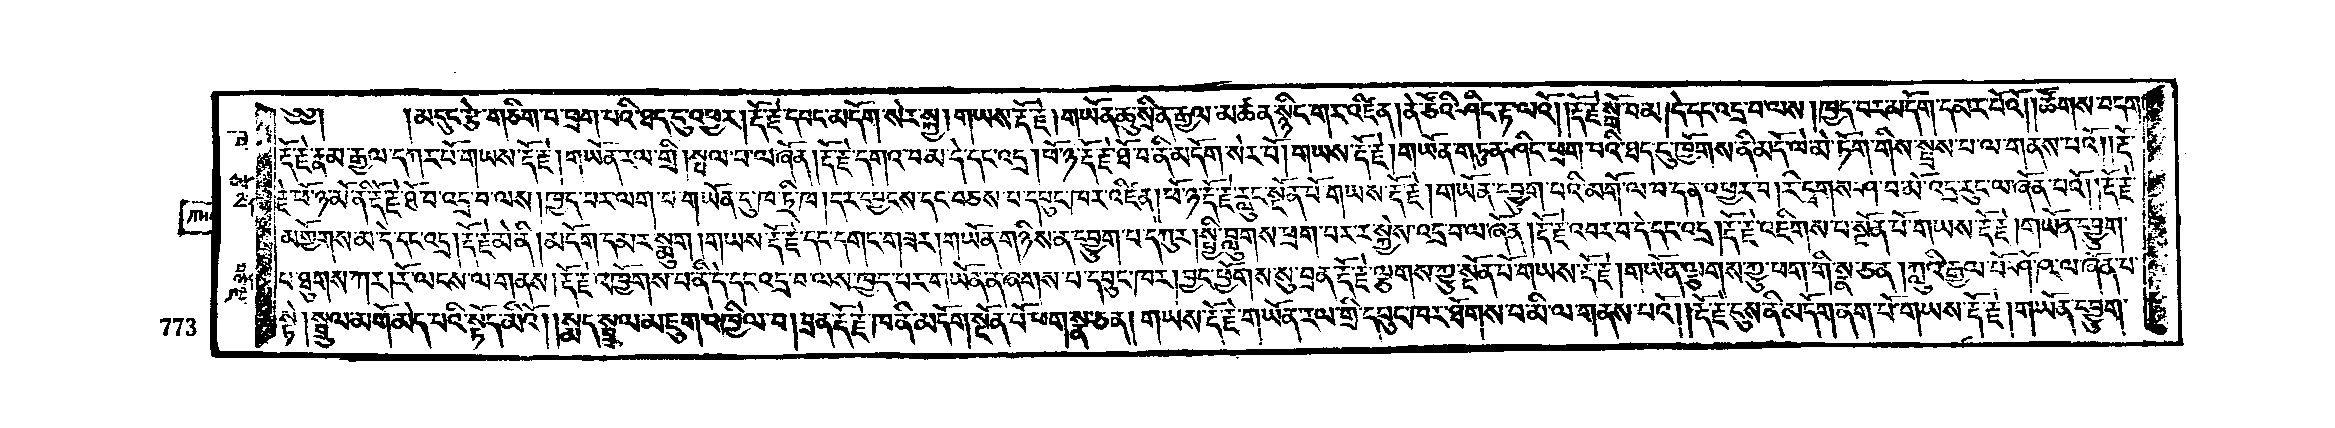༄༅། །མདུང་རྩེ་གཅིག་པ་ཕྲག་པའི་ཐད་དུ་འཕྱིར། རྡོ་རྗེ་དབང་མདོག་སེར་སྐྱ། གཡས་རྡོ་རྗེ། གཡོན་ཆུ་སྲིན་རྒྱལ་མཚན་སྙིང་གར་འཛིན། ནེ་ཙོའི་ཤིང་རྟ་ལའོ། །རྡོ་རྗེ་སྒོ་བ་མ། དེ་དང་འདྲ་བ་ལས། ཁྱད་པར་མདོག་དམར་པོའོ། །ཚོགས་བདག་
རྡོ་རྗེ་རྣམ་རྒྱལ་དཀར་པོ་གཡས་རྡོ་རྗེ། གཡོན་རལ་གྲི། སྦལ་པ་ལ་ཞོན། རྡོ་རྗེ་དགའ་བ་མ་དེ་དང་འདྲ། ཕོ་ཉ་རྡོ་རྗེ་ཐོ་བ་ནི་མདོག་སེར་པོ། གཡས་རྡོ་རྗེ། གཡོན་གཏུན་ཤིང་ཕྲག་པའི་ཐད་དུ་ཁྱོགས་ནི་མདོ་ལེ་མེ་ཏོག་གིས་སྤྲས་པ་ལ་གནས་པའོ། །རྡོ་
རྗེ་ཕོ་ཉ་མོ་ནི་རྡོ་རྗེ་ཐོ་བ་འདྲ་བ་ལས། ཁྱད་པར་ལག་པ་གཡོན་དུ་ཁ་ཏྲི་ཁ། དར་དཔྱངས་དང་བཅས་པ་དཔུང་ཁར་འཛིན། ཕོ་ཉ་རྡོ་རྗེ་རླུང་སྔོན་པོ་གཡས་རྡོ་རྗེ། གཡོན་དབྱུག་པའི་མགོ་ལ་བ་དན་འཕྱིར་བ། རི་དྭགས་ཤ་བ་མོ་འདྲ་རུང་ལ་ཞོན་པའོ། །རྡོ་རྗེ་
མགྱོགས་མ་དེ་དང་འདྲ། རྡོ་རྗེ་མེ་ནི། མདོག་དམར་སྨུག །གཡས་རྡོ་རྗེ་དང་དགང་གཟར། གཡོན་གཉིས་ན་དབྱུག་པ་དཀུར། སྤྱི་བླུགས་ཕྲག་པར་ར་སྐྱེས་འདྲ་བ་ལ་ཞོན། རྡོ་རྗེ་འབར་བ་དེ་དང་འདྲ། རྡོ་རྗེ་འཇིགས་པ་སྔོན་པོ་གཡས་རྡོ་རྗེ། གཡོན་དབྱུག་
པ་ཐུགས་ཀར། རོ་ལངས་ལ་གནས། རྡོ་རྗེ་འཁྱོགས་པ་ནི་དེ་དང་འདྲ་བ་ལས་ཁྱད་པར་གཡོན་ན་ཞགས་པ་དཔུང་ཁར། བྱང་ཕྱོགས་སུ་བྲན་རྡོ་རྗེ་ལྕགས་ཀྱུ་སྔོན་པོ་གཡས་རྡོ་རྗེ། གཡོན་ལྕགས་ཀྱུ་ཕག་གི་སྣ་ཅན། ཀླུའི་རྒྱལ་པོ་ཤོ་ཥ་ལ་ཞོན་པ་
སྟེ། སྤྲུལ་མགོ་མེད་པའི་སྟོད་མིའོ། །སྨད་སྦྲུལ་མཇུག་འཁྱིལ་བ། བྲན་རྡོ་རྗེ་ཁ་ནི་མདོག་སྔོན་པོ་ཕག་སྣ་ཅན། གཡས་རྡོ་རྗེ་གཡོན་རལ་གྲི་དཔུང་ཁར་ཐོགས་པ་མི་ལ་གནས་པའོ། །རྡོ་རྗེ་དུས་ནི་མདོག་ནག་པོ་གཡས་རྡོ་རྗེ། གཡོན་དབྱུག་